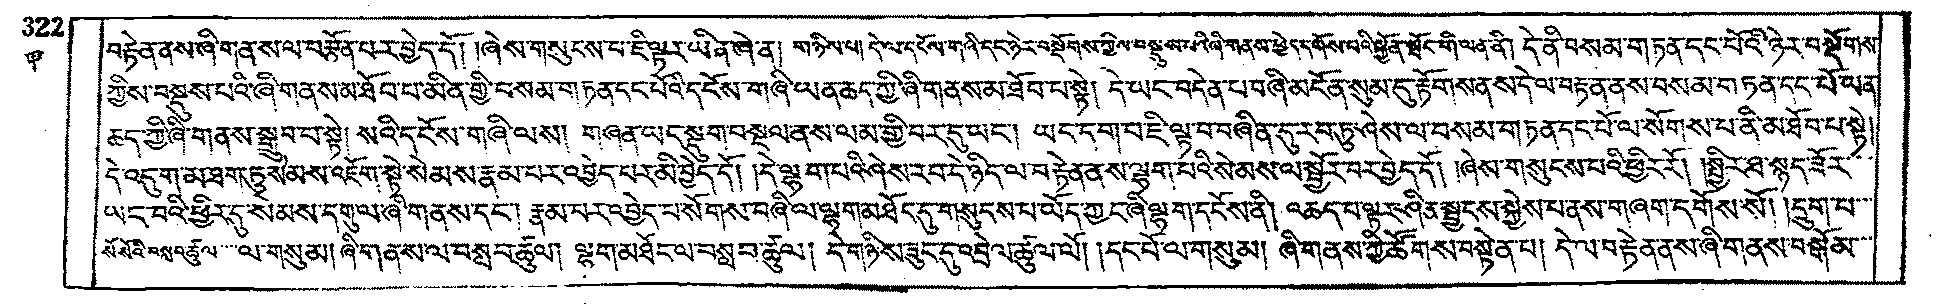བརྟེན་ནས་ཞི་གནས་ལ་བརྩོན་པར་བྱེད་དོ། །ཞེས་གསུངས་པ་ཇི་ལྟར་ཡིན་ཞེ་ན། གཉིས་པ། དེ་ལ་དངོས་གཞི་དང་ཉེར་བསྡོགས་ཀྱིས་བསྡུས་པའི་ཞི་གནས་ཕྱེད་དགོས་པའི་སྐྱོན་སྤོང་གི་ལན་ནི།  དེ་ནི་བསམ་གཏན་དང་པོའི་ཉེར་བསྡོགས་
ཀྱིས་བསྡུས་པའི་ཞི་གནས་མ་ཐོབ་པ་མིན་གྱི་བསམ་གཏན་དང་པོའི་དངོས་གཞི་ཡན་ཆད་ཀྱི་ཞི་གནས་མ་ཐོབ་པ་སྟེ། དེ་ཡང་བདེན་པ་བཞི་མངོན་སུམ་དུ་རྟོགས་ནས་དེ་ལ་བརྟན་ནས་བསམ་གཏན་དང་པོ་ཡན་
ཆད་ཀྱི་ཞི་གནས་སྒྲུབ་པ་སྟེ། སའི་དངོས་གཞི་ལས། གཞན་ཡང་སྡུག་བསྔལ་ནས་ལམ་གྱི་བར་དུ་ཡང་། ཡང་དག་པ་ཇི་ལྟ་བ་བཞིན་དུ་རབ་ཏུ་ཤེས་ལ་བསམ་གཏན་དང་པོ་ལ་སོགས་པ་ནི་མ་ཐོབ་པ་སྟེ།
དེ་འདུག་མ་ཐག་ཏུ་སེམས་འཇོག་སྟེ་སེམས་རྣམ་པར་འབྱེད་པར་མི་བྱེད་དོ། །དེ་ལྷག་པའི་ཤེས་རབ་དེ་ཉིད་ལ་བརྟེན་ནས་ལྷག་པའི་སེམས་ལ་སྦྱོར་བར་བྱེད་དོ། །ཞེས་གསུངས་པའི་ཕྱིར་རོ། །སྤྱིར་ཐ་སྙད་ཟོར་
ཡང་བའི་ཕྱིར་དུ་སེམས་དགུ་ལ་ཞི་གནས་དང་། རྣམ་པར་འབྱེད་པ་སོགས་བཞི་ལ་ལྷག་མཐོང་དུ་གསུངས་པ་ཡོད་ཀྱང་ཞི་ལྷག་དངོས་ནི། འཆད་པ་ལྟར་ཤིན་སྦྱངས་སྐྱེས་པ་ནས་གཞག་དགོས་སོ། །དྲུག་པ་
སོ་སོའི་བསླབ་ཚུལལ་གསུམ། ཞི་གནས་ལ་བསླབ་ཚུལ། ལྷག་མཐོང་ལ་བསླབ་ཚུལ། དེ་གཉིས་ཟུང་དུ་འབྲེལ་ཚུལ་ལོ། །དང་པོ་ལ་གསུམ། ཞི་གནས་ཀྱི་ཚོགས་བསྟེན་པ། དེ་ལ་བརྟེན་ནས་ཞི་གནས་བསྒོམ་